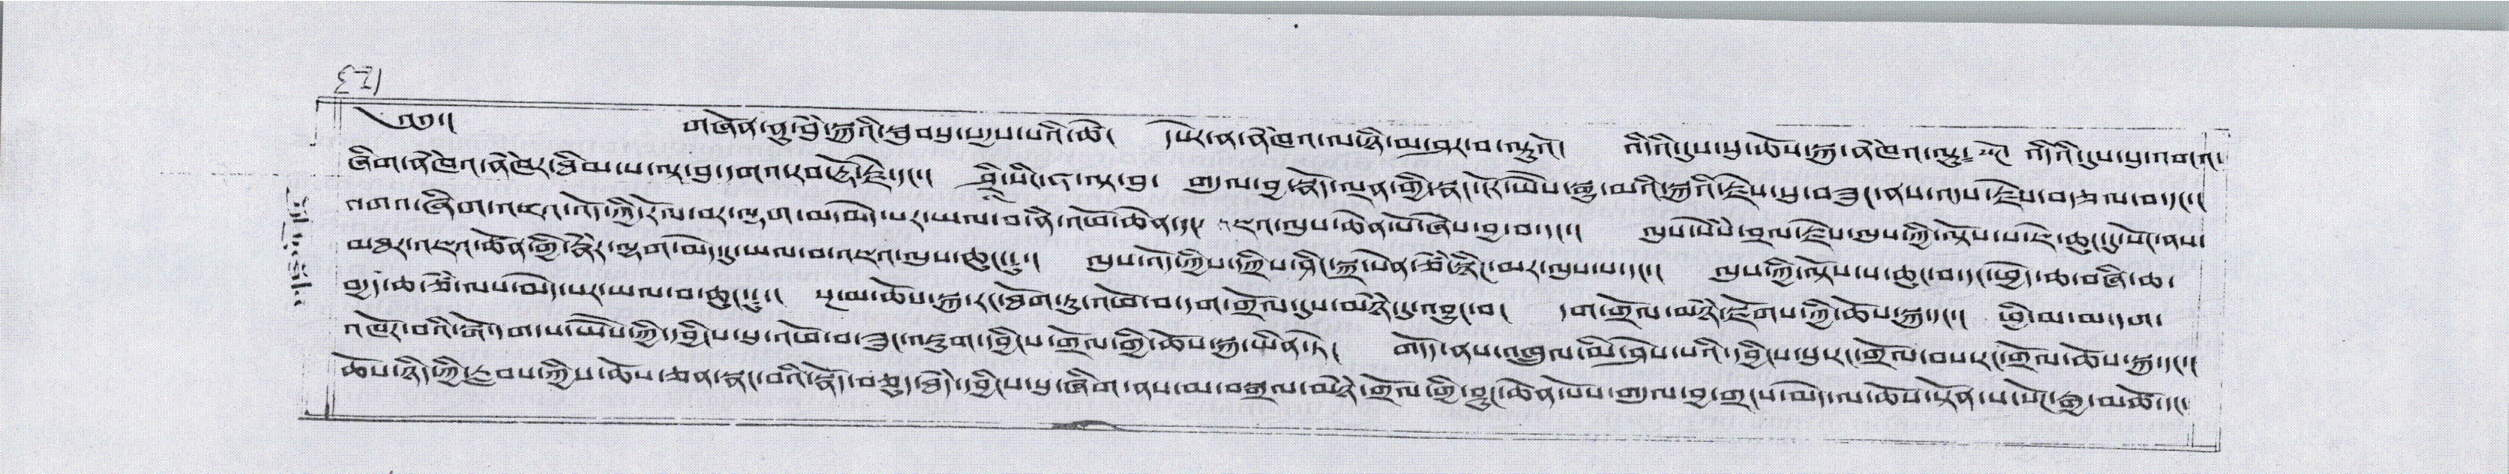གཞོན་ནུ་བུམ་སྐུའི་སྦུབས་སུ་སངས་རྒྱས་པའི་ཚེ། དཔེར་ན་ནམ་མཁའ་ལ་ཉི་མ་ཤར་བ་ལྟ་བུའོ། འདིའི་དུས་སུ་ཆོས་སྐུ་ནམ་མཁའ་ལྟ་བུ་སོགས་འདིའི་དུས་སུ་འགའ་
ཞིག་ནམ་མཁའ་ནམ་མཁར་ཐིམ་པ་ལྟ་བུ་དགའ་རབ་རྡོ་རྗེ་དང། ཤྲཱི་སིང་ཧ་ལྟ་བུ། གདུལ་བྱ་སྣོད་ལྡན་གྱི་སྣང་ངོར་ཡེ་ཤེས་སྒྱུ་མའི་སྐུའི་རྗེས་སུ་བཟུང་ནས་འདས་རྗེས་བརྩལ་བ་དང། 
འགའ་ཞིག་འཇའ་འོད་ཀྱི་རོལ་བར་ལྷག་མ་མེད་པར་ཡལ་བ་ནི་འཕོ་ཆེན་དང། འཇའ་ལུས་ཆེན་པོ་ཞེས་བྱ་བ་དང། ལུས་སེམས་བྲལ་རྗེས་ལུས་ཀྱི་ལྟོས་པ་ཇེ་ཆུང་དུ་སོང་ནས་
མཐར་འཇའ་ཚོན་གྱི་རྣམ་པར་ལྷག་མེད་དུ་ཡལ་བ་འཇའ་ལུས་ཆུང་ངུ། ལུས་འོད་ཀྱིས་དཀྲིས་ཤིང་སྐྲ་སེན་ཙམ་སྙིགས་མར་ལུས་པ་དང། ལུས་ཀྱི་ལྟོས་པ་ཆུང་བ་དང་ཕྱེད་ཆ་བཞི་ཆ་
བརྒྱད་ཆ་ཙམ་ལས་མེད་པར་ཡལ་བ་ཆུང་ངུ། སྔ་མ་ཆོས་སྐུ་རང་ཐོག་ཏུ་འཕོ་བ་དག་གྲོལ་དུས་མཉམ་དུ་འབྱུང་བ། དག་གྲོལ་མཉམ་རྫོགས་ཀྱི་ཆོས་སྐུ་དང། ཕྱི་མ་མ་དག་
འཁོར་བའི་སྒོ་དག་པ་ཡེ་ཤེས་ཀྱི་དབྱིངས་སུ་འཕོ་བ་ཟུང་འཇུག་དབྱིངས་གྲོལ་གྱི་ཆོས་སྐུ་ཡིན་ཏེ། གདོད་ནས་འཁྲུལ་མི་ཤེས་པའི་དབྱིངས་སུ་རང་གྲོལ་བས་རང་གྲོལ་ཆོས་སྐུ་དང། 
ཆོས་ཉིད་ཀྱི་རླབས་ཀྱིས་ཆོས་ཅན་སྣང་བའི་སྣོད་བཅུད་ཐམས་ཅད་དབྱིངས་སུ་ཞིག་ནས་མ་བསྒྲལ་མཉམ་གྲོལ་གྱི་ཤུགས་ཆེན་པོས་གདུལ་བྱ་གྲངས་མེད་ལ་ཆོས་སྟོན་པ་སོགས་རྒྱ་མཚོ་དང།